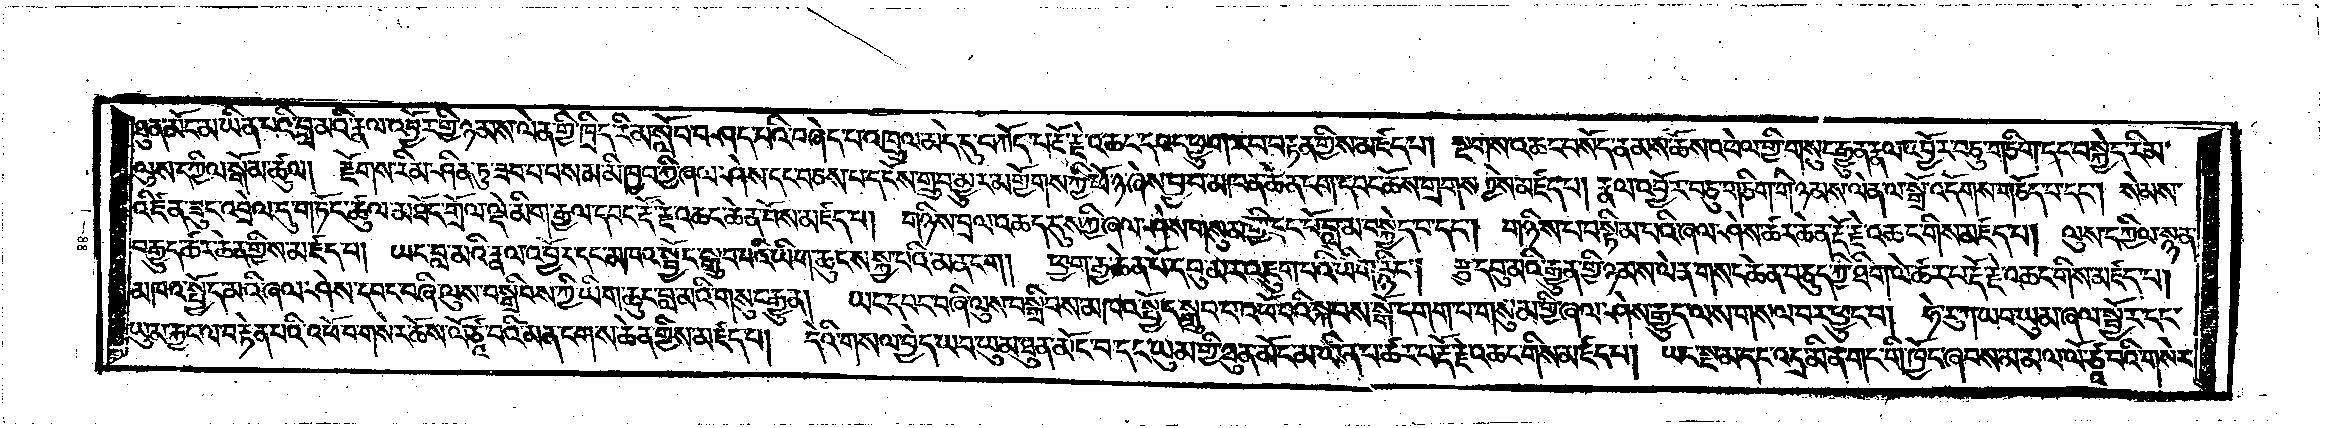ཐུང་མོང་མ་ཡིན་པའི་བླ་མའི་རྣལ་འབྱོར་གྱི་ཉམས་ལེན་གྱི་ཁྲིད་རིམ་སློབ་བཤད་པའི་བཞེད་པ་འཁྲུལ་མེད་དུ་བཀོད་པ་རྡོ་རྗེ་འཆང་དབང་ཕྱུག་རབ་བརྟན་གྱིས་མཛད་པ། སྔགས་འཆང་བསོད་ནམས་ཆོས་འཕེལ་གྱི་གསུང་རྒྱུན་རྣལ་འབྱོར་བཅུ་གཅིག་དང་བསྐྱེད་རིམ་
ལུས་དཀྱིལ་འཁོར་སྒོམ་ཚུལ། རྫོགས་རིམ་ཤིན་ཏུ་ཟབ་པ་བསམ་མི་ཁྱབ་ཀྱི་ཞལ་ཤེས་དང་བཅས་པ་དངོས་གྲུབ་མྱུར་མགྱོགས་ཀྱི་ཕོ་ཉ་ཞེས་བྱ་བ་མཁན་ཆེན་ངག་དབང་ཆོས་གྲགས་ཀྱིས་མཛད་པ། རྣལ་འབྱོར་བཅུ་གཅིག་གི་ཉམས་ལེན་ལ་སྒྲོ་འདོགས་གཅོད་པ་དང་། སེམས་
འཛིན་ཟུང་འབྲེལ་དུ་གཏོང་ཚུལ་མཐོང་གྲོལ་ལྡེ་མིག་རྒྱལ་དབང་རྡོ་རྗེ་འཆང་ཆེན་པོས་མཛད་པ། གཉིས་བྲལ་འཆད་དུས་ཀྱི་ཞལ་ཤེས་གསུམ་གྱི་དང་པོ་བླ་མ་བསྐྱེད་པ་དང་། གཉིས་པ་བསྟིམ་པའི་ཞལ་ཤེས་ཚར་ཆེན་གྲྡོ་རྗེ་འཆང་གིས་མཛད་པ། ལུས་དཀྱིལ་སྙན་
བརྒྱུད་ཚར་ཆེན་གྱིས་མཛད་པ། ཡང་བླ་མའི་རྣལ་འབྱོར་དང་མཁའ་སྦྱོང་སྒྲུབ་པའི་ཡིག་ཆུངས་སྐྱ་པའི་མན་ངག། ཕྱག་རྒྱ་ཆེན་པོ་དབུ་མར་འཇུག་པའི་ཡིག་རྙིང་། རྩ་དབུ་མའི་རྒྱུན་གྱི་ཉམས་ལེན་གསང་ཆེན་བཅུ་ཀྱི་ཐིག་ལེ་ཚར་པ་རྡོ་རྗེ་འཆང་གིས་མཛད་པ།
མཁའ་སྤྱོད་མའི་ཞལ་ཤེས་དབང་བཞི་ལུས་བསྒྲིབས་ཀྱི་ཡིག་ཆུང་བླ་མའི་གསུང་རྒྱུན། ཡང་དབང་བཞི་ལུས་བསྒྲིབས་མཁའ་སྤྱོད་སྒྲུབ་པ་འཕོ་བའི་སྐབས་སྒོ་དགག་པ་གསུམ་གྱི་ཞལ་ཤེས་རྒྱུད་ལས་གསལ་བར་ཕྱུང་བ། ཧེ་རུ་ཀ་ཡབ་ཡུམ་ཞལ་སྦྱོར་དང་
ཡུམ་རྐྱང་ལ་བརྟེན་པའི་འཕོ་བ་གསེར་ཆོས་ལོ་ཙཱ་བའི་མན་ངག་ས་ཆེན་གྱིས་མཛད་པ། དེའི་གསལ་བྱེད་ཡབ་ཡུམ་ཐུན་མོང་བ་དང་ཡུམ་གྱི་ཐུན་མོང་མ་ཡིན་པ་ཚར་པ་རྡོ་རྗེ་འཆང་གིས་མཛད་པ། ཡང་སྔ་མ་དང་འདྲ་མིན་གང་གི་ཁྱོད་ཞབས་མ་མལ་ལོ་ཙཱ་བའི་གསེར་